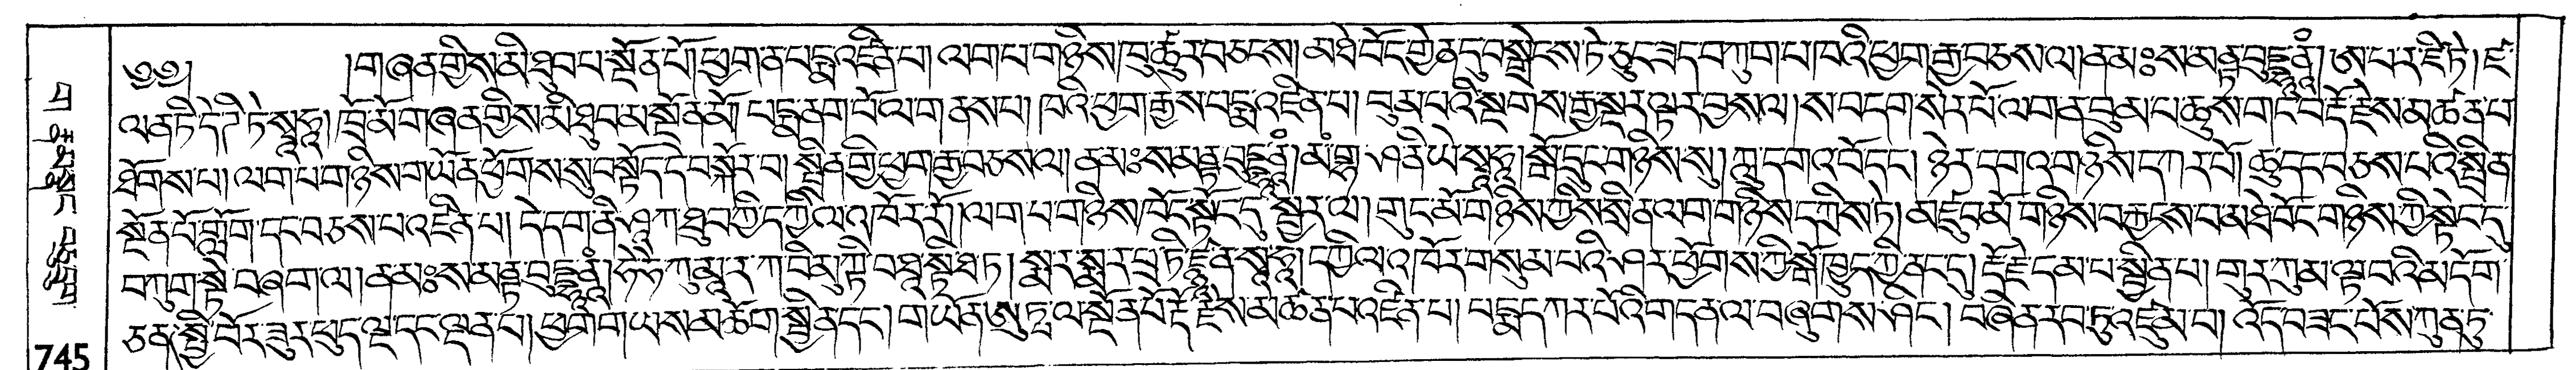༄༅། །གཞན་གྱིས་མི་ཐུབ་པ་སྔོན་པོ། ཕྱག་ན་པདམ་འཛིན་པ། ལག་པ་གཉིས་ཁུ་ཚུར་བཅངས། མཐེ་བོང་གྱེན་དུ་བསྒྲེངས་ཏེ་ཅུང་ཟད་བཀུག་པ་ཁའི་ཕྱག་རྒྱ་བཅས་ལ། ན་མཿ ས་མནྟ་བུདྡྷཱ་ནཱཾ། ཨ་པ་ར་ཛི་ཏེ། ཛ་
ལན་ཏི་དེ་ཌི་ཏེ་སྭཱཧཱ། ཁྲོ་མོ་གཞན་གྱིས་མི་ཐུབ་མ་སྔོན་མོ། པདམ་ནག་པོ་ལ་གནས་པ། ཁའི་ཕྱག་རྒྱས་པདམ་འཛིན་པ། བུམ་པའི་སྔགས་རྒྱ་སྔར་ལྟར་བྱས་ལ། ས་བདག་སེར་པོ་ལག་ན་བུམ་པ་ཆུས་གང་བ་རྡོ་རྗེས་མཚན་པ་
ཐོགས་པ། ལག་པ་གཉིས་གཡོན་ཕྱོགས་སུ་བསྟོད་དེ་བསྐོར་བ། སྤྲིན་གྱི་ཕྱག་རྒྱ་བཅས་ལ། ན་མཿ ས་མནྟ་བུདྡྷཱ་ནཱཾ། མཾ་གྷ་ཤ་ནི་ཡེ་སྭཱཧཱ། སྒོ་དྲུང་གཉིས་སུ། ཀླུ་དགའ་བོ་དང་། ཉེར་དགའ་གཉིས་དཀར་པོ། ཆུ་དང་བཅས་པའི་སྤྲིན་
སྔོན་པོ་གློག་དང་བཅས་པ་འཛིན་པ། དེ་དག་ནི་ཤཱཀ་ཐུབ་ཀྱི་དཀྱིལ་འཁོར་རོ། །ལག་པ་གཉིས་ཁོང་སྟོང་དུ་སྦྱར་ལ། གུང་མོ་གཉིས་ཀྱིས་སྲིན་ལག་གཉིས་དཀྲིས་ཏེ། མཛུབ་མོ་གཉིས་བརྐྱངས་པ་མཐེ་བོང་གཉིས་ཀྱི་སྟེང་དུ་
བཀུག་སྟེ་བཞག་ལ། ན་མཿ ས་མནྟ་བུདྡྷཱ་ནཱཾ། ཧེ་ཧེ་ཀུ་མཱ་ར་ཀ་བི་མུཀྟི་བ་ཐཱ་སྟི་ཐ་ཏ། སྨ་ར་སྨ་ར་པྲ་ཏི་ཛྙཱ་ན་སྭཱཧཱ། དཀྱིལ་འཁོར་གསུམ་པའི་ཤར་ཕྱོགས་ཀྱི་སྒོ་ཁྱུད་ཀྱི་ནང་དུ། རྡོ་རྗེ་དམ་པ་སྦྱིན་པ། གུར་ཀུམ་ལྟ་བའི་མདོག་
ཅན། སྤྱི་བོར་ཟུར་ཕུད་ལྔ་དང་ལྡན་པ། ཕྱག་གཡས་མཆོག་སྦྱིན་དང་། གཡོན་ཨུཏྤ་ལ་སྔོན་པོ་རྡོ་རྗེས་མཚན་པ་འཛིན་པ། པདམ་དཀར་པོའི་གདན་ལ་བཞུགས་ཤིང་། བཞིན་རབ་ཏུ་འཛུམ་པ། འོད་བཟང་པོས་ཀུན་ཏུ་